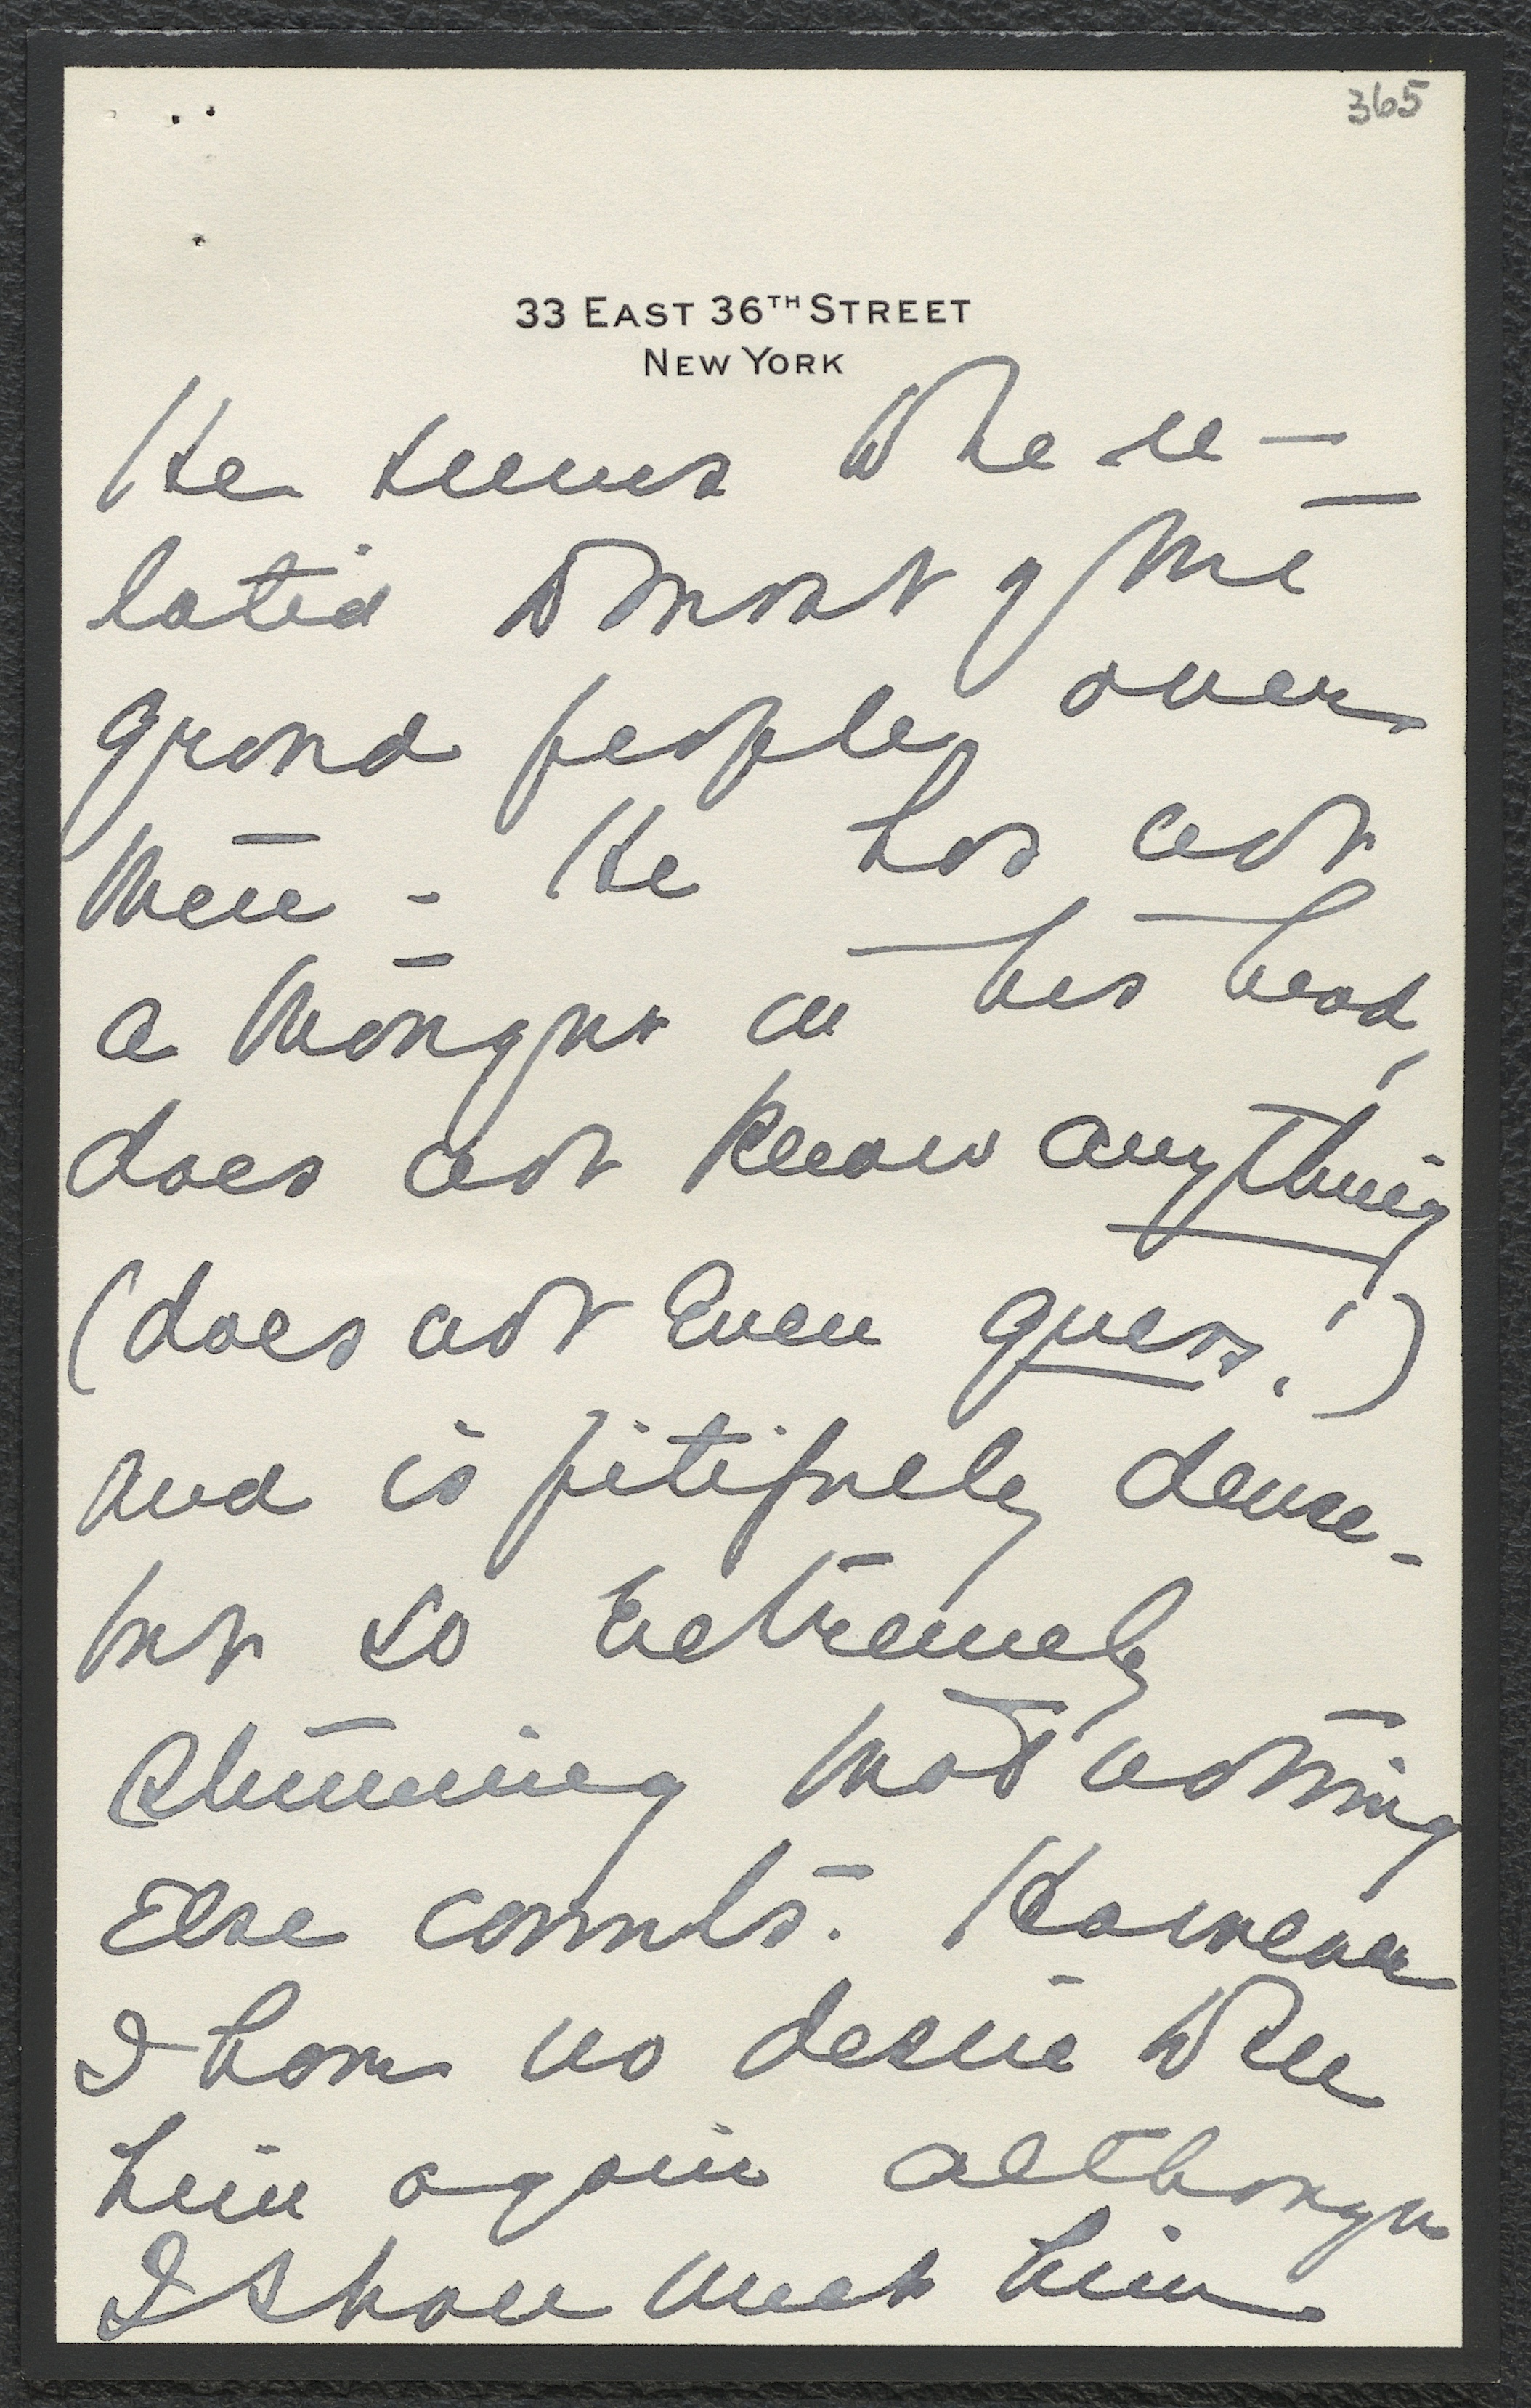He seems to be related [sic] to most of the grand people over there – He has not a thought in his head, does not know anything (does not even guess!) and is pitifully dense – but so extremely stunning that nothing else counts. However I have no desire to see him again although I shall meet him